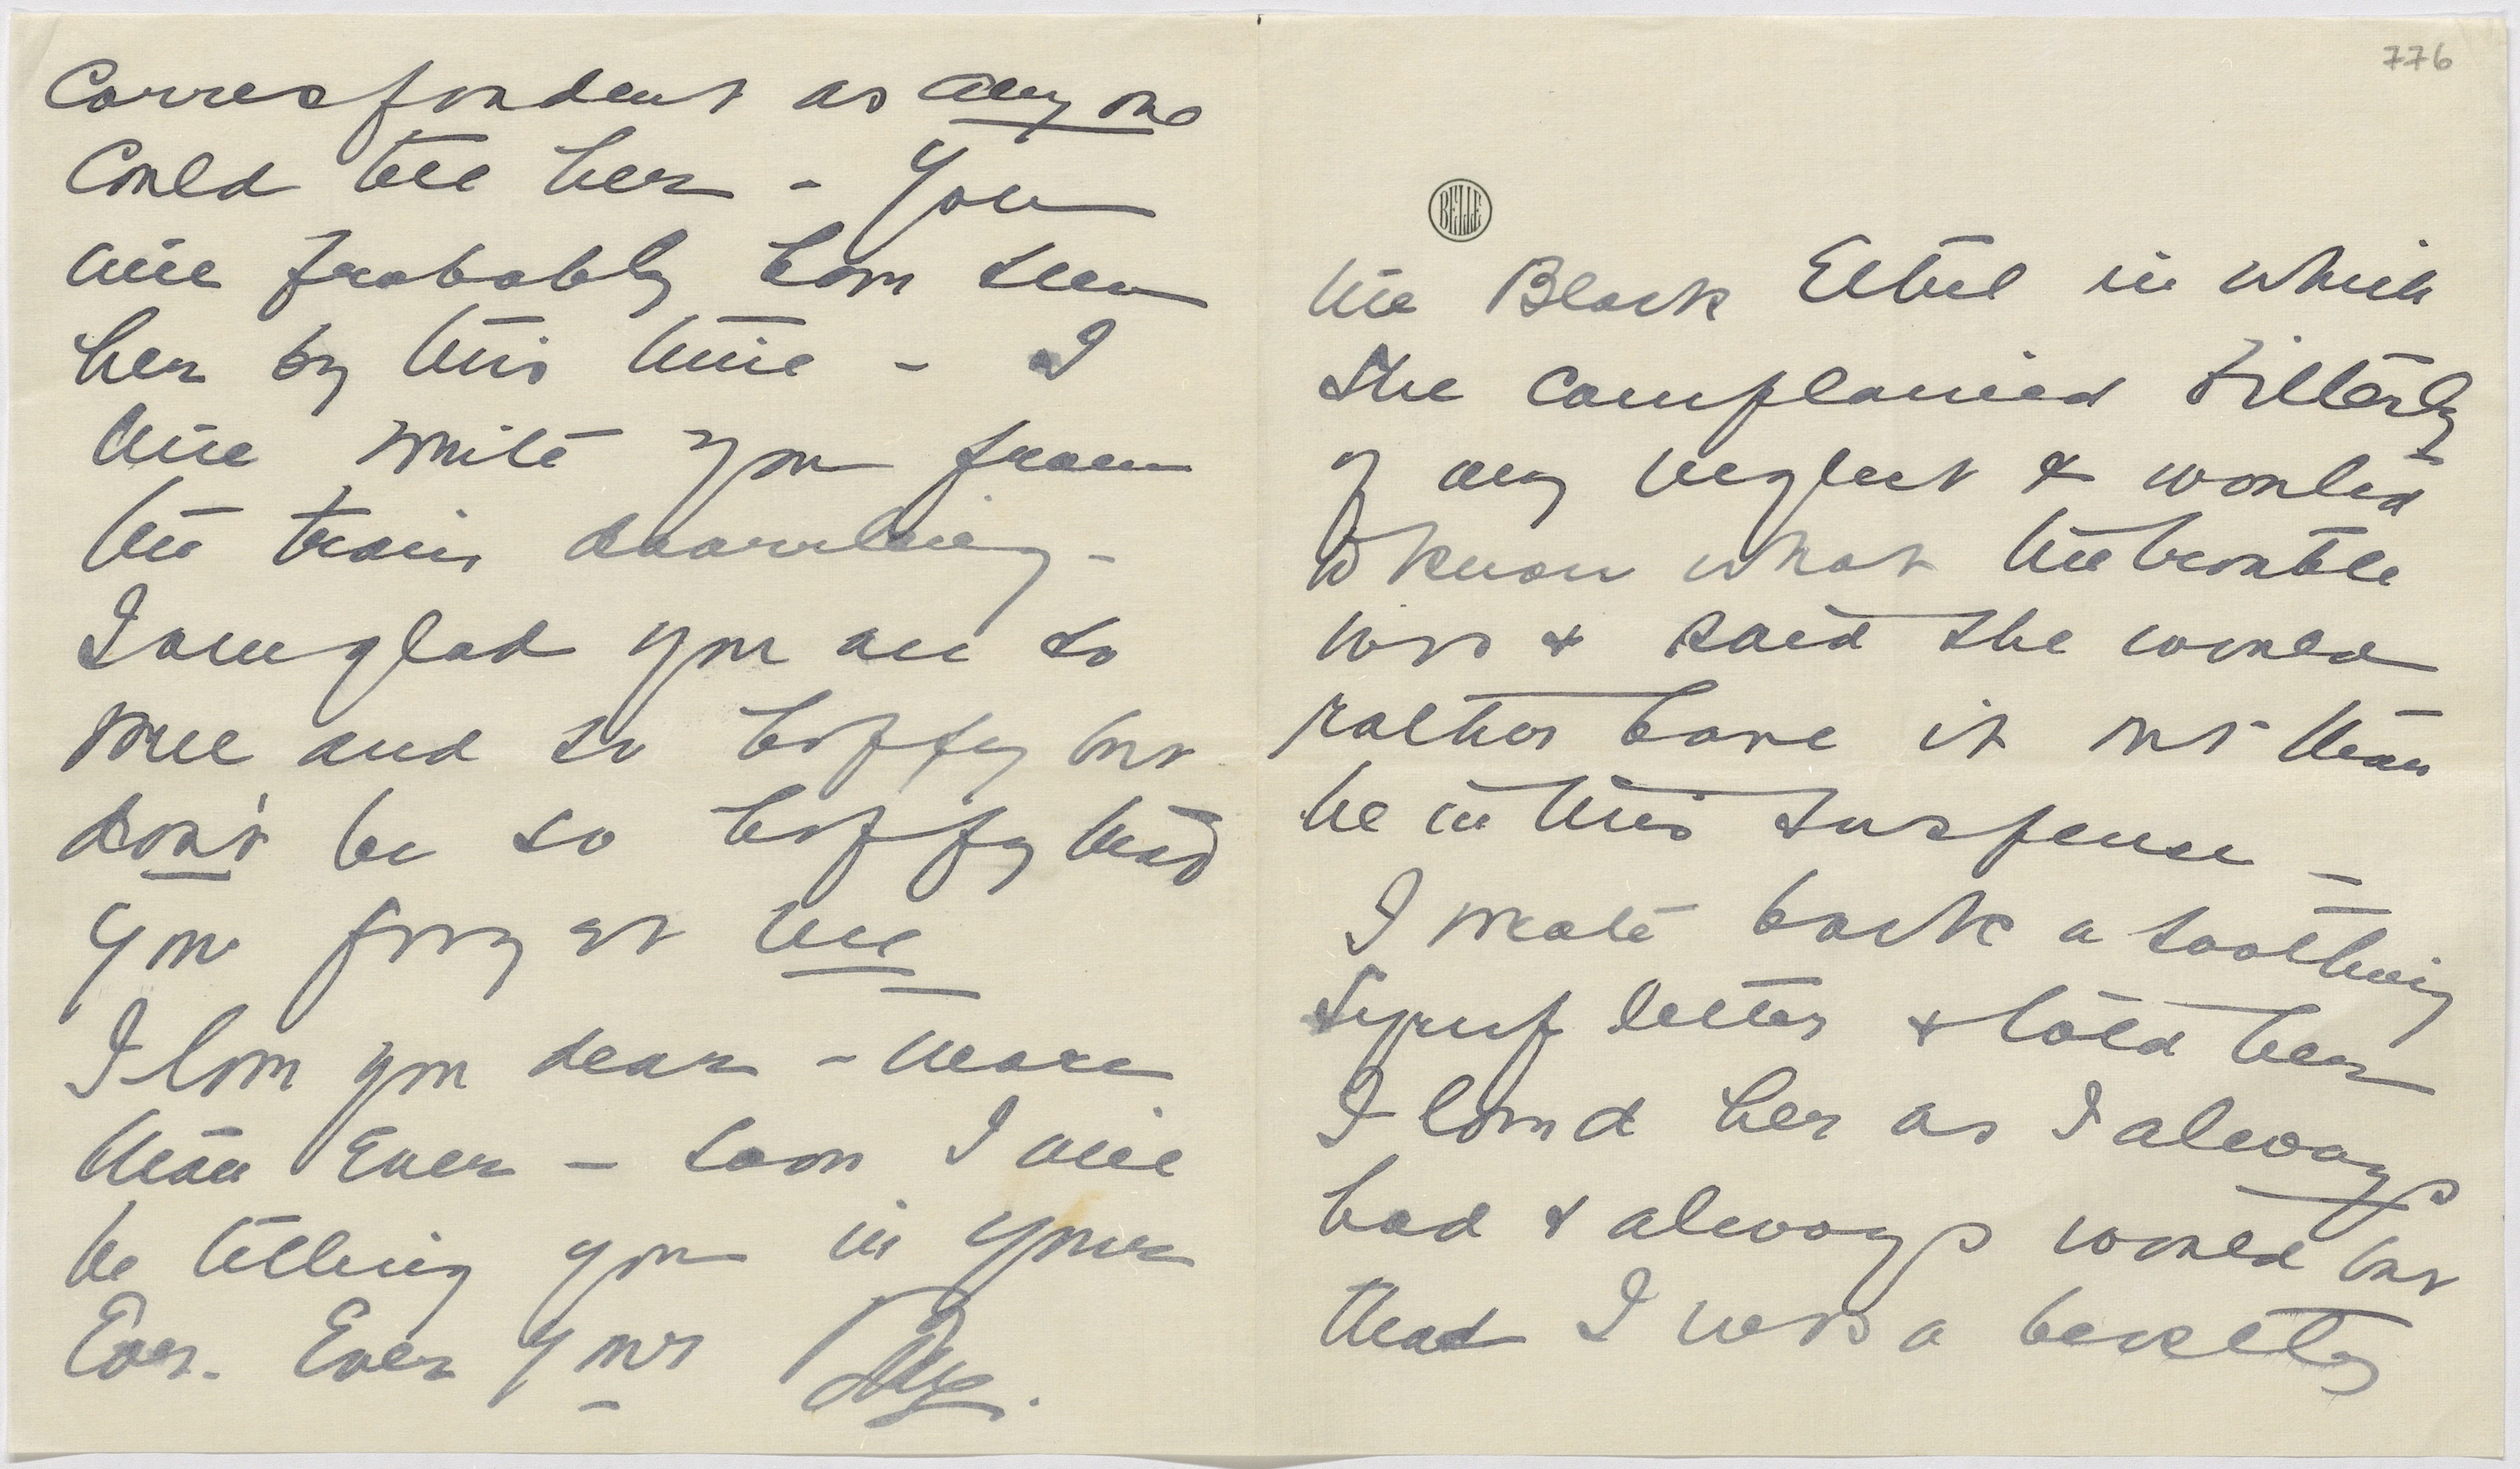the Black Ethel in which she complained bitterly of my neglect & wanted to know what the trouble was & said she would rather have it out than be in this suspense –
I wrote back a soothing syrup letter & told her I loved her as I always had & always would but that I was a beastly
correspondent as any one could tell her – You will probably have seen her by this time – I will write you from the train daarrling – I am glad you are so well and so happy but don’t be so happy that you forget [double underlined: me]
I love you dear – more than ever – soon I will be telling you in your ear. Ever your Belle.